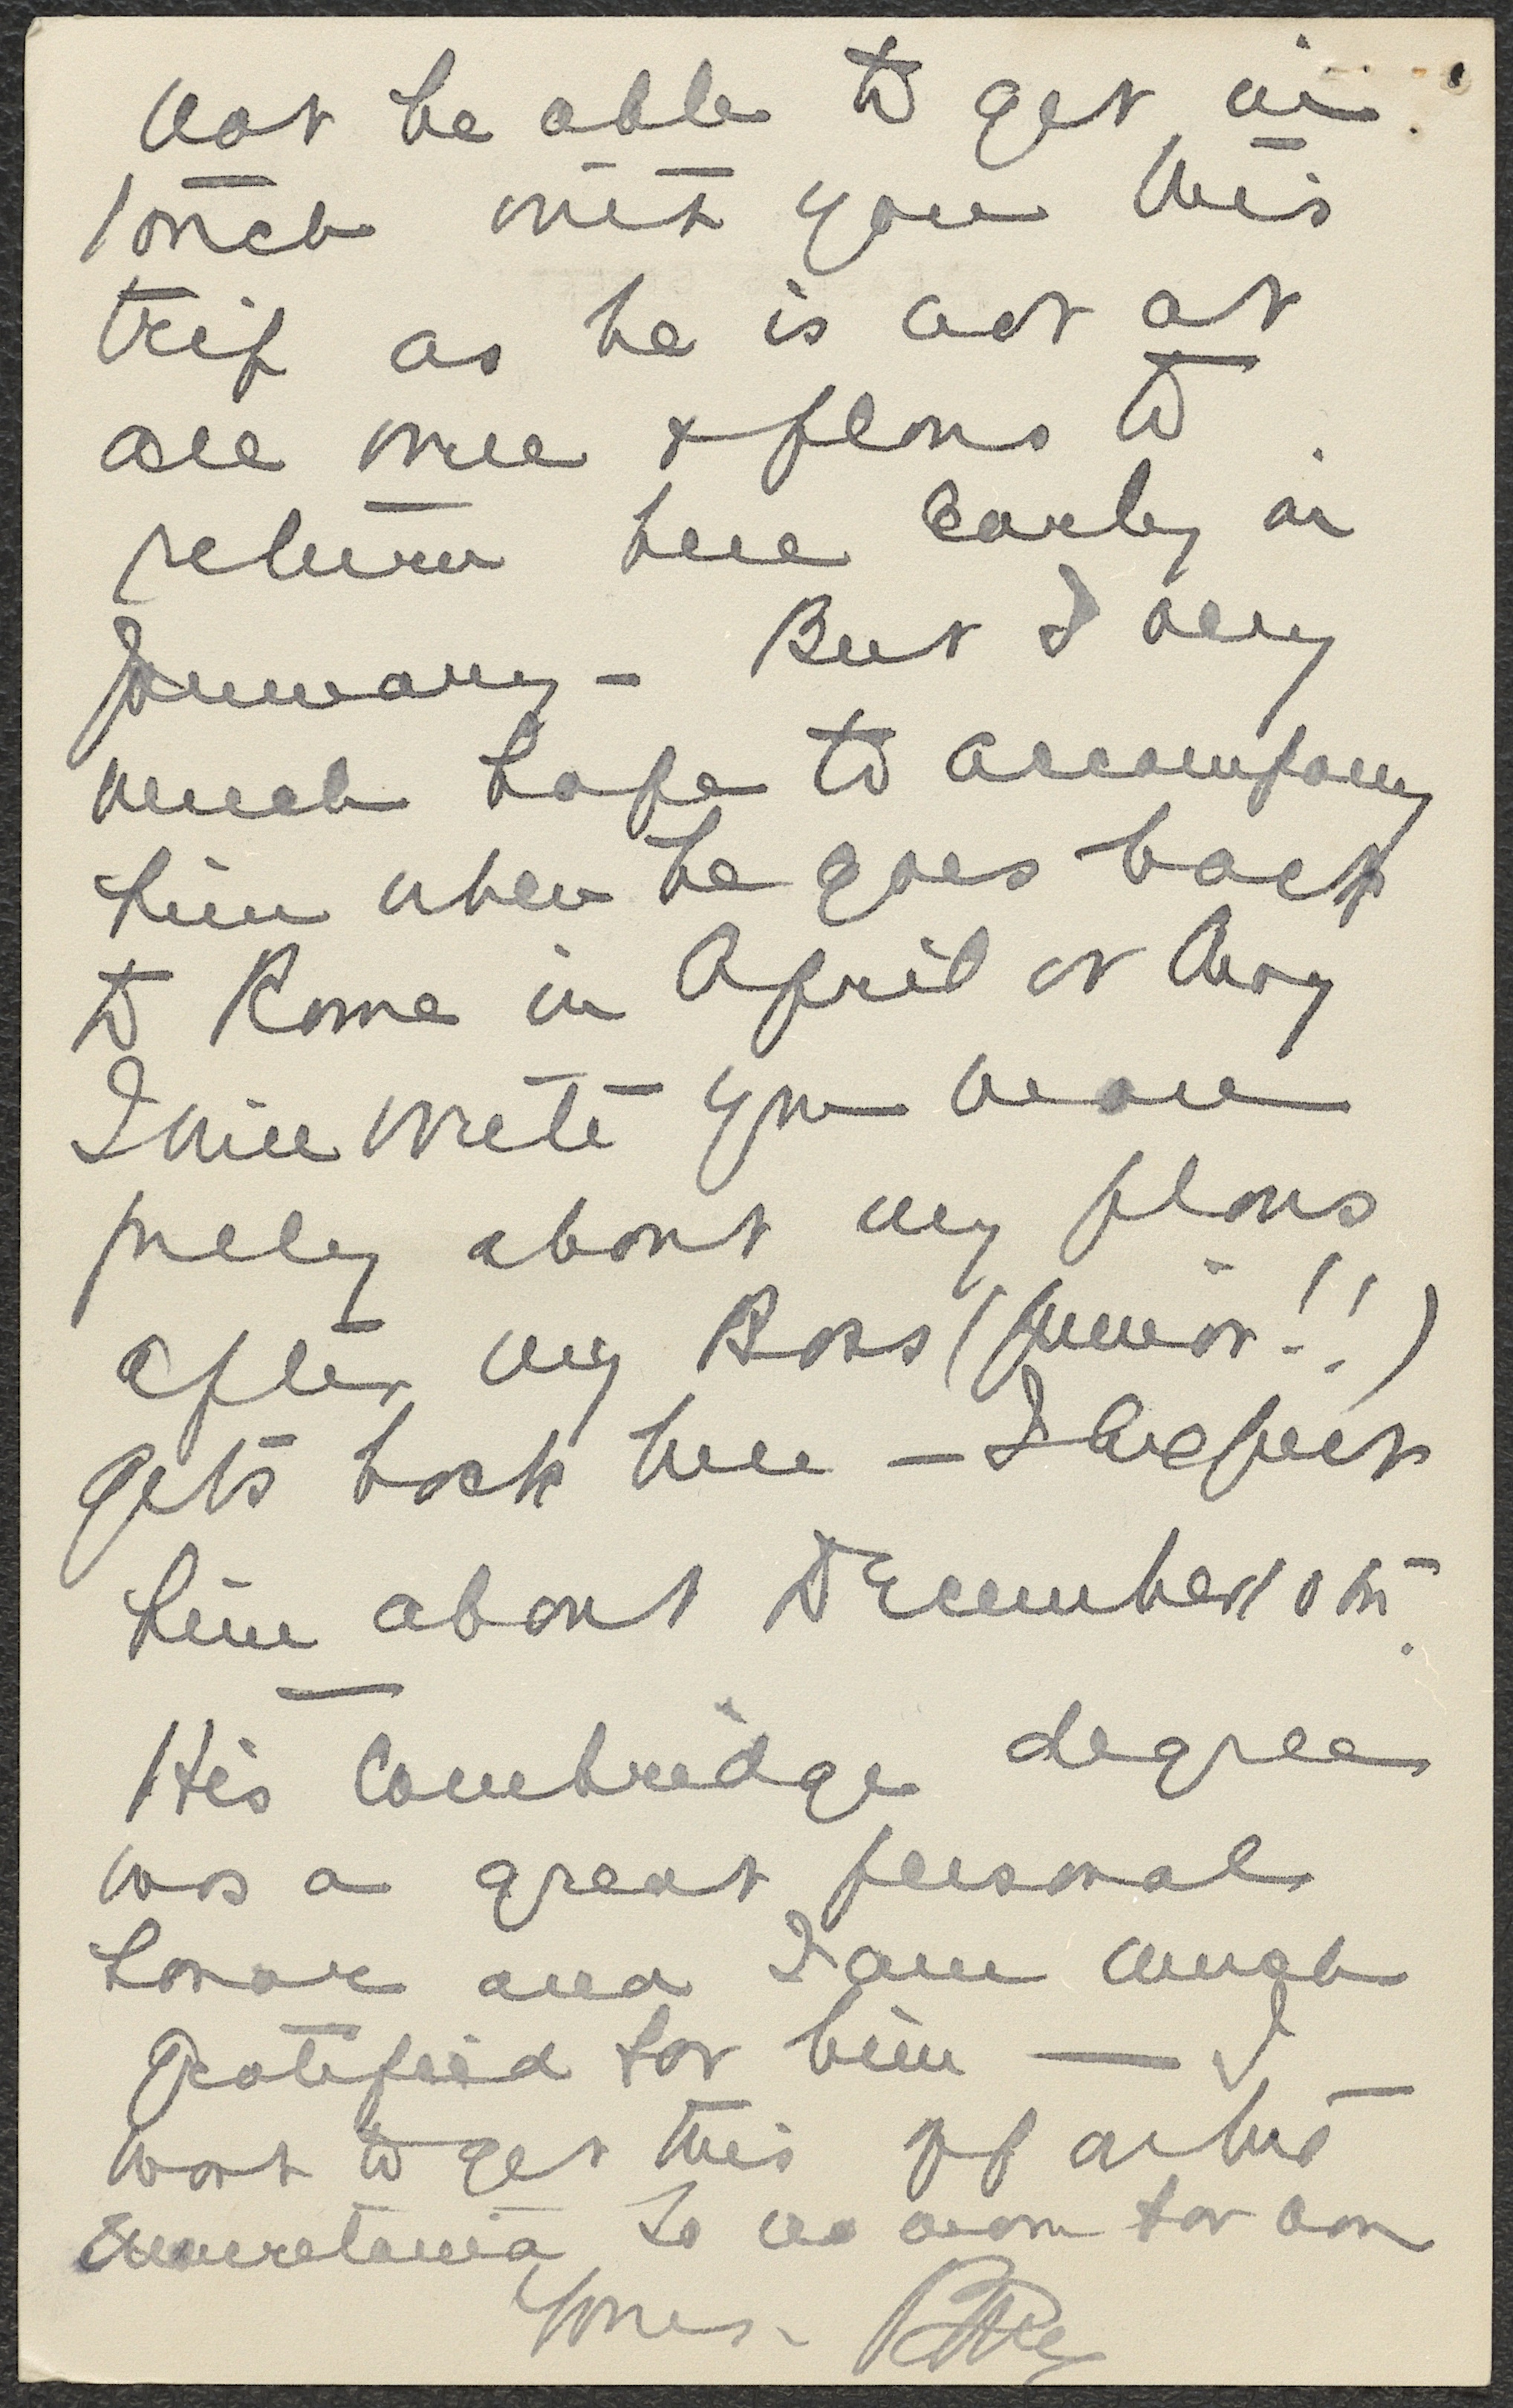not be able to get in touch with you this trip as he is not at all well & plans to return here early in January – But I very much hope to accompany him when he goes back to Rome in April or May I will write you more fully about my plans after my Boss (Junior!!) gets back here – I expect him about December 10th. His Cambridge degree was a great personal honor and I am much gratified for him – I want to get this off at the Mauretania so no more for now
Yours, Belle